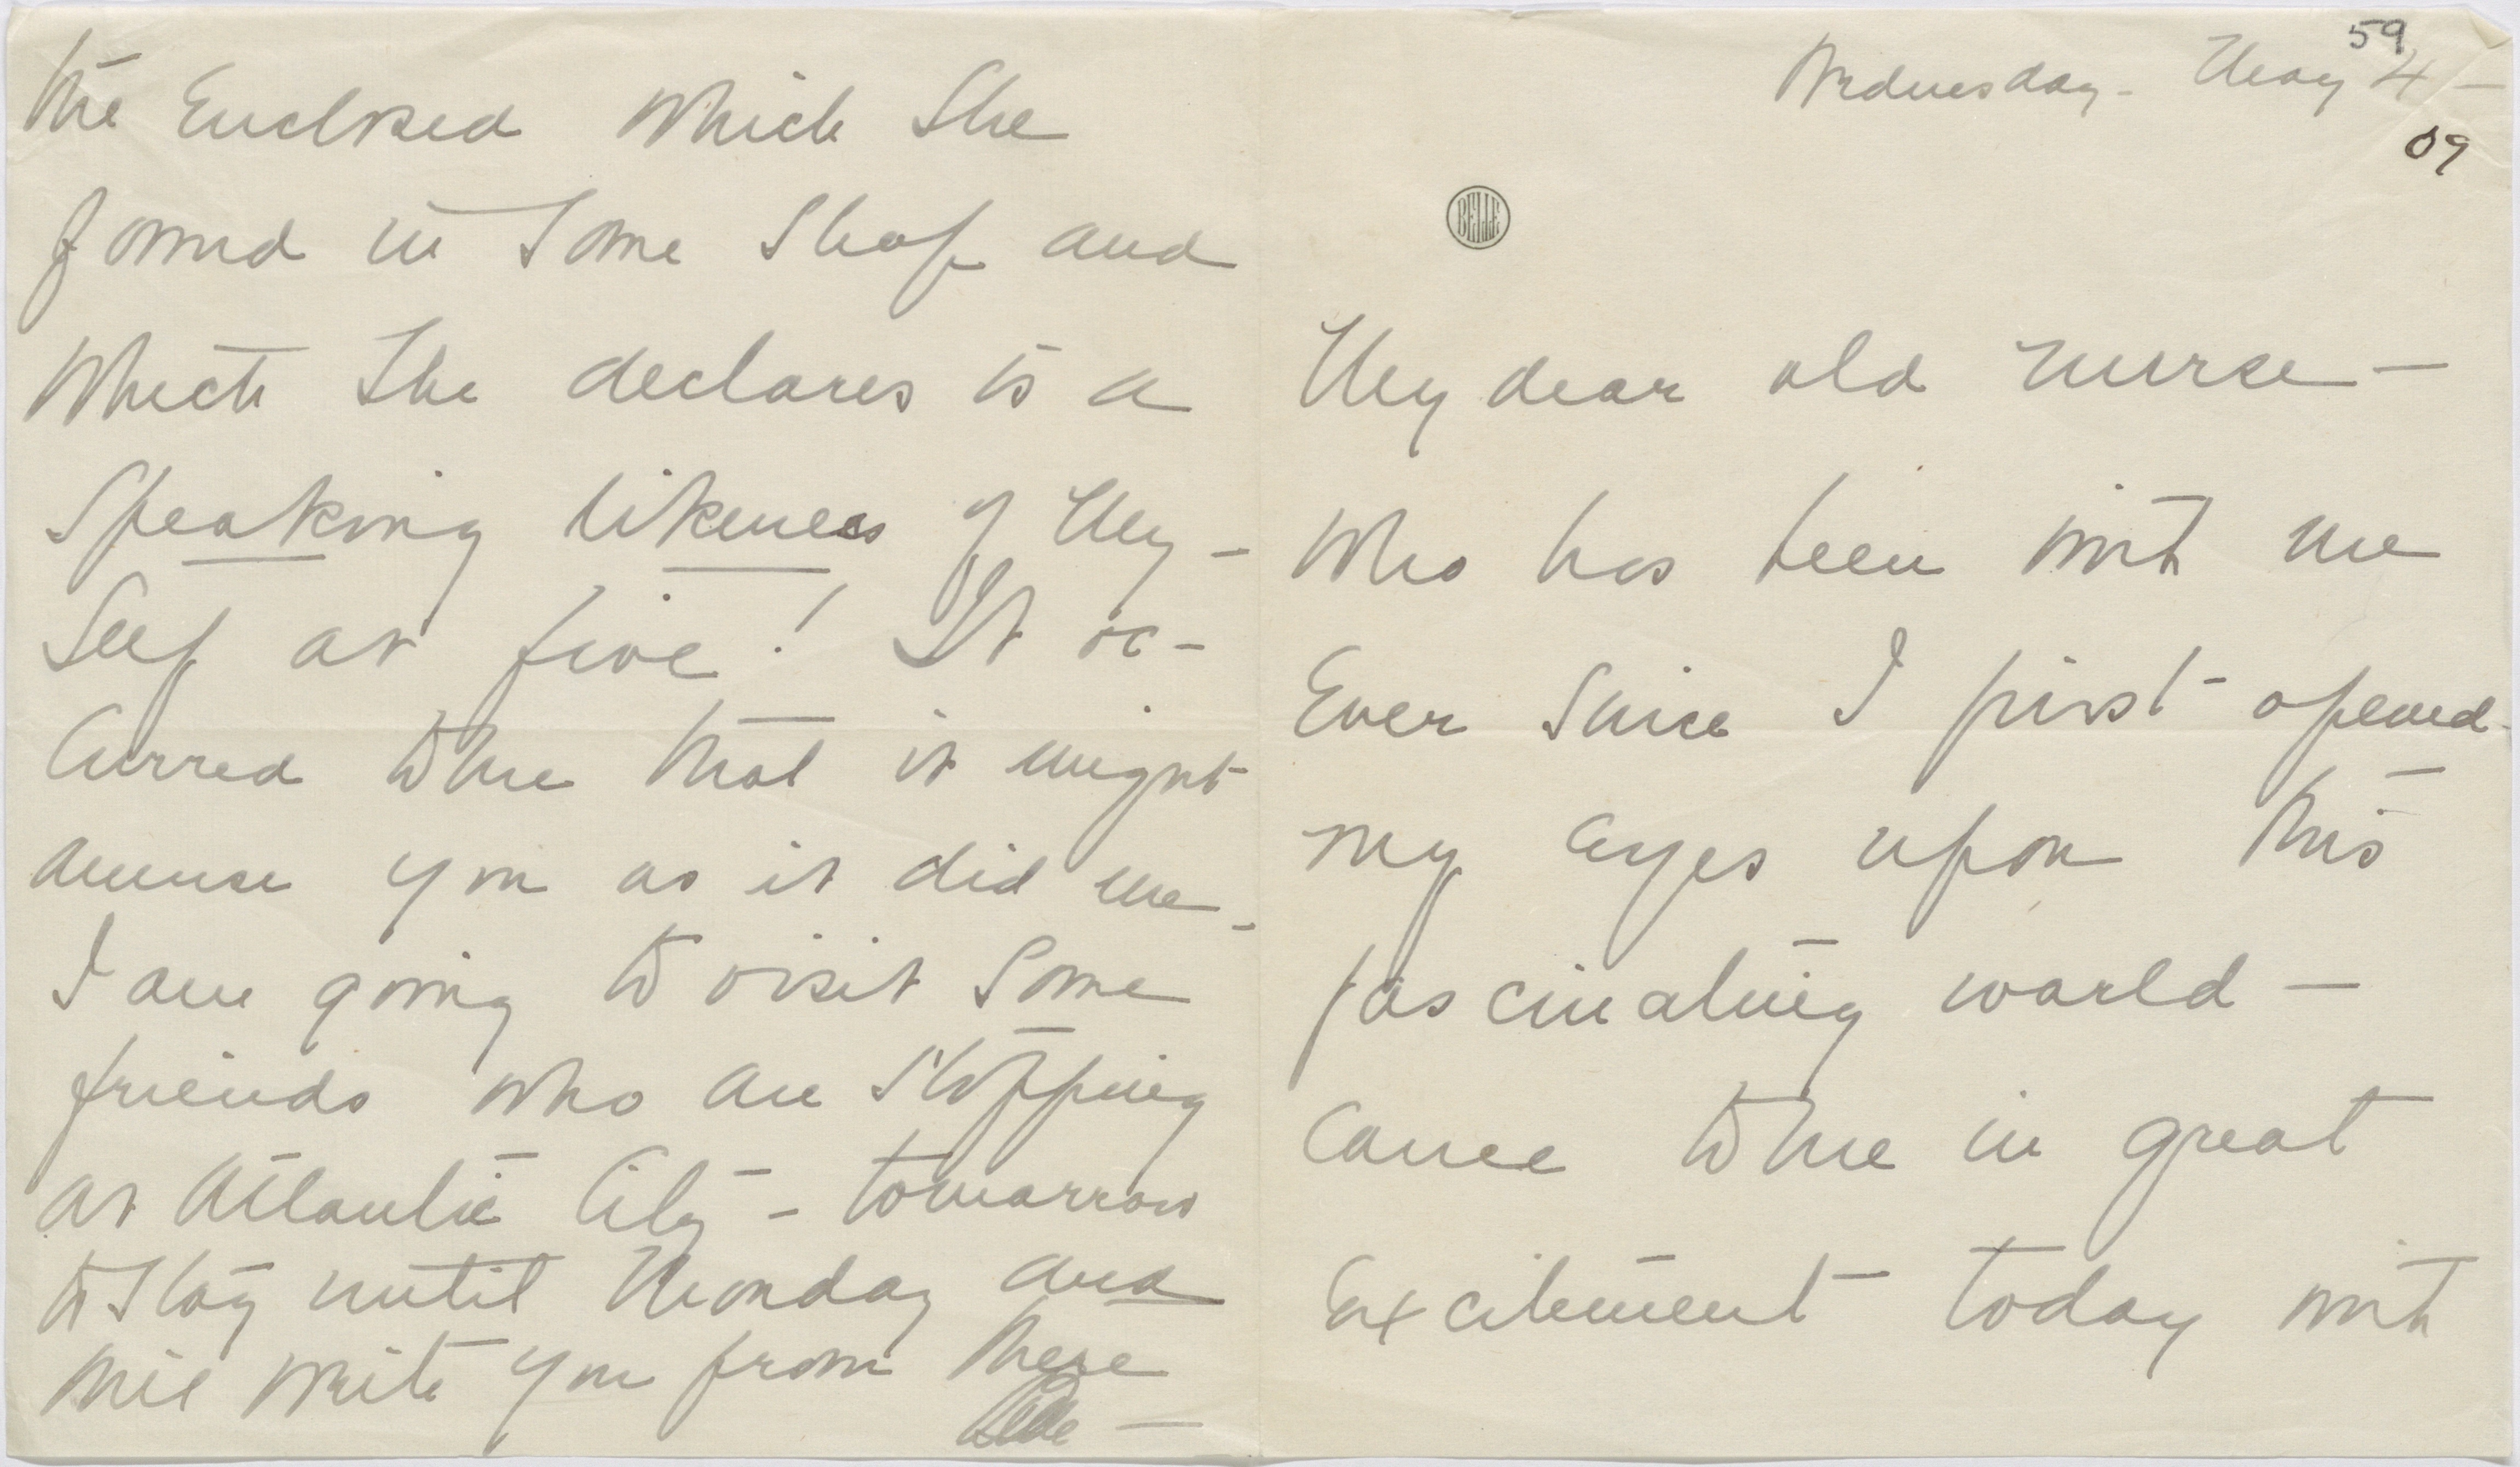Wednesday – May 4 –
My dear old nurse – Who has been with me ever since I first opened my eyes upon this fascinating world – came to me in great excitement today with
the enclosed which she found in some shop and which she declares is a speaking likeness of myself at five! It occurred to me that it might amuse you as it did me – I am going to visit some friends who are stopping at Atlantic City – tomorrow to stay until Monday and will write you from there
Belle –